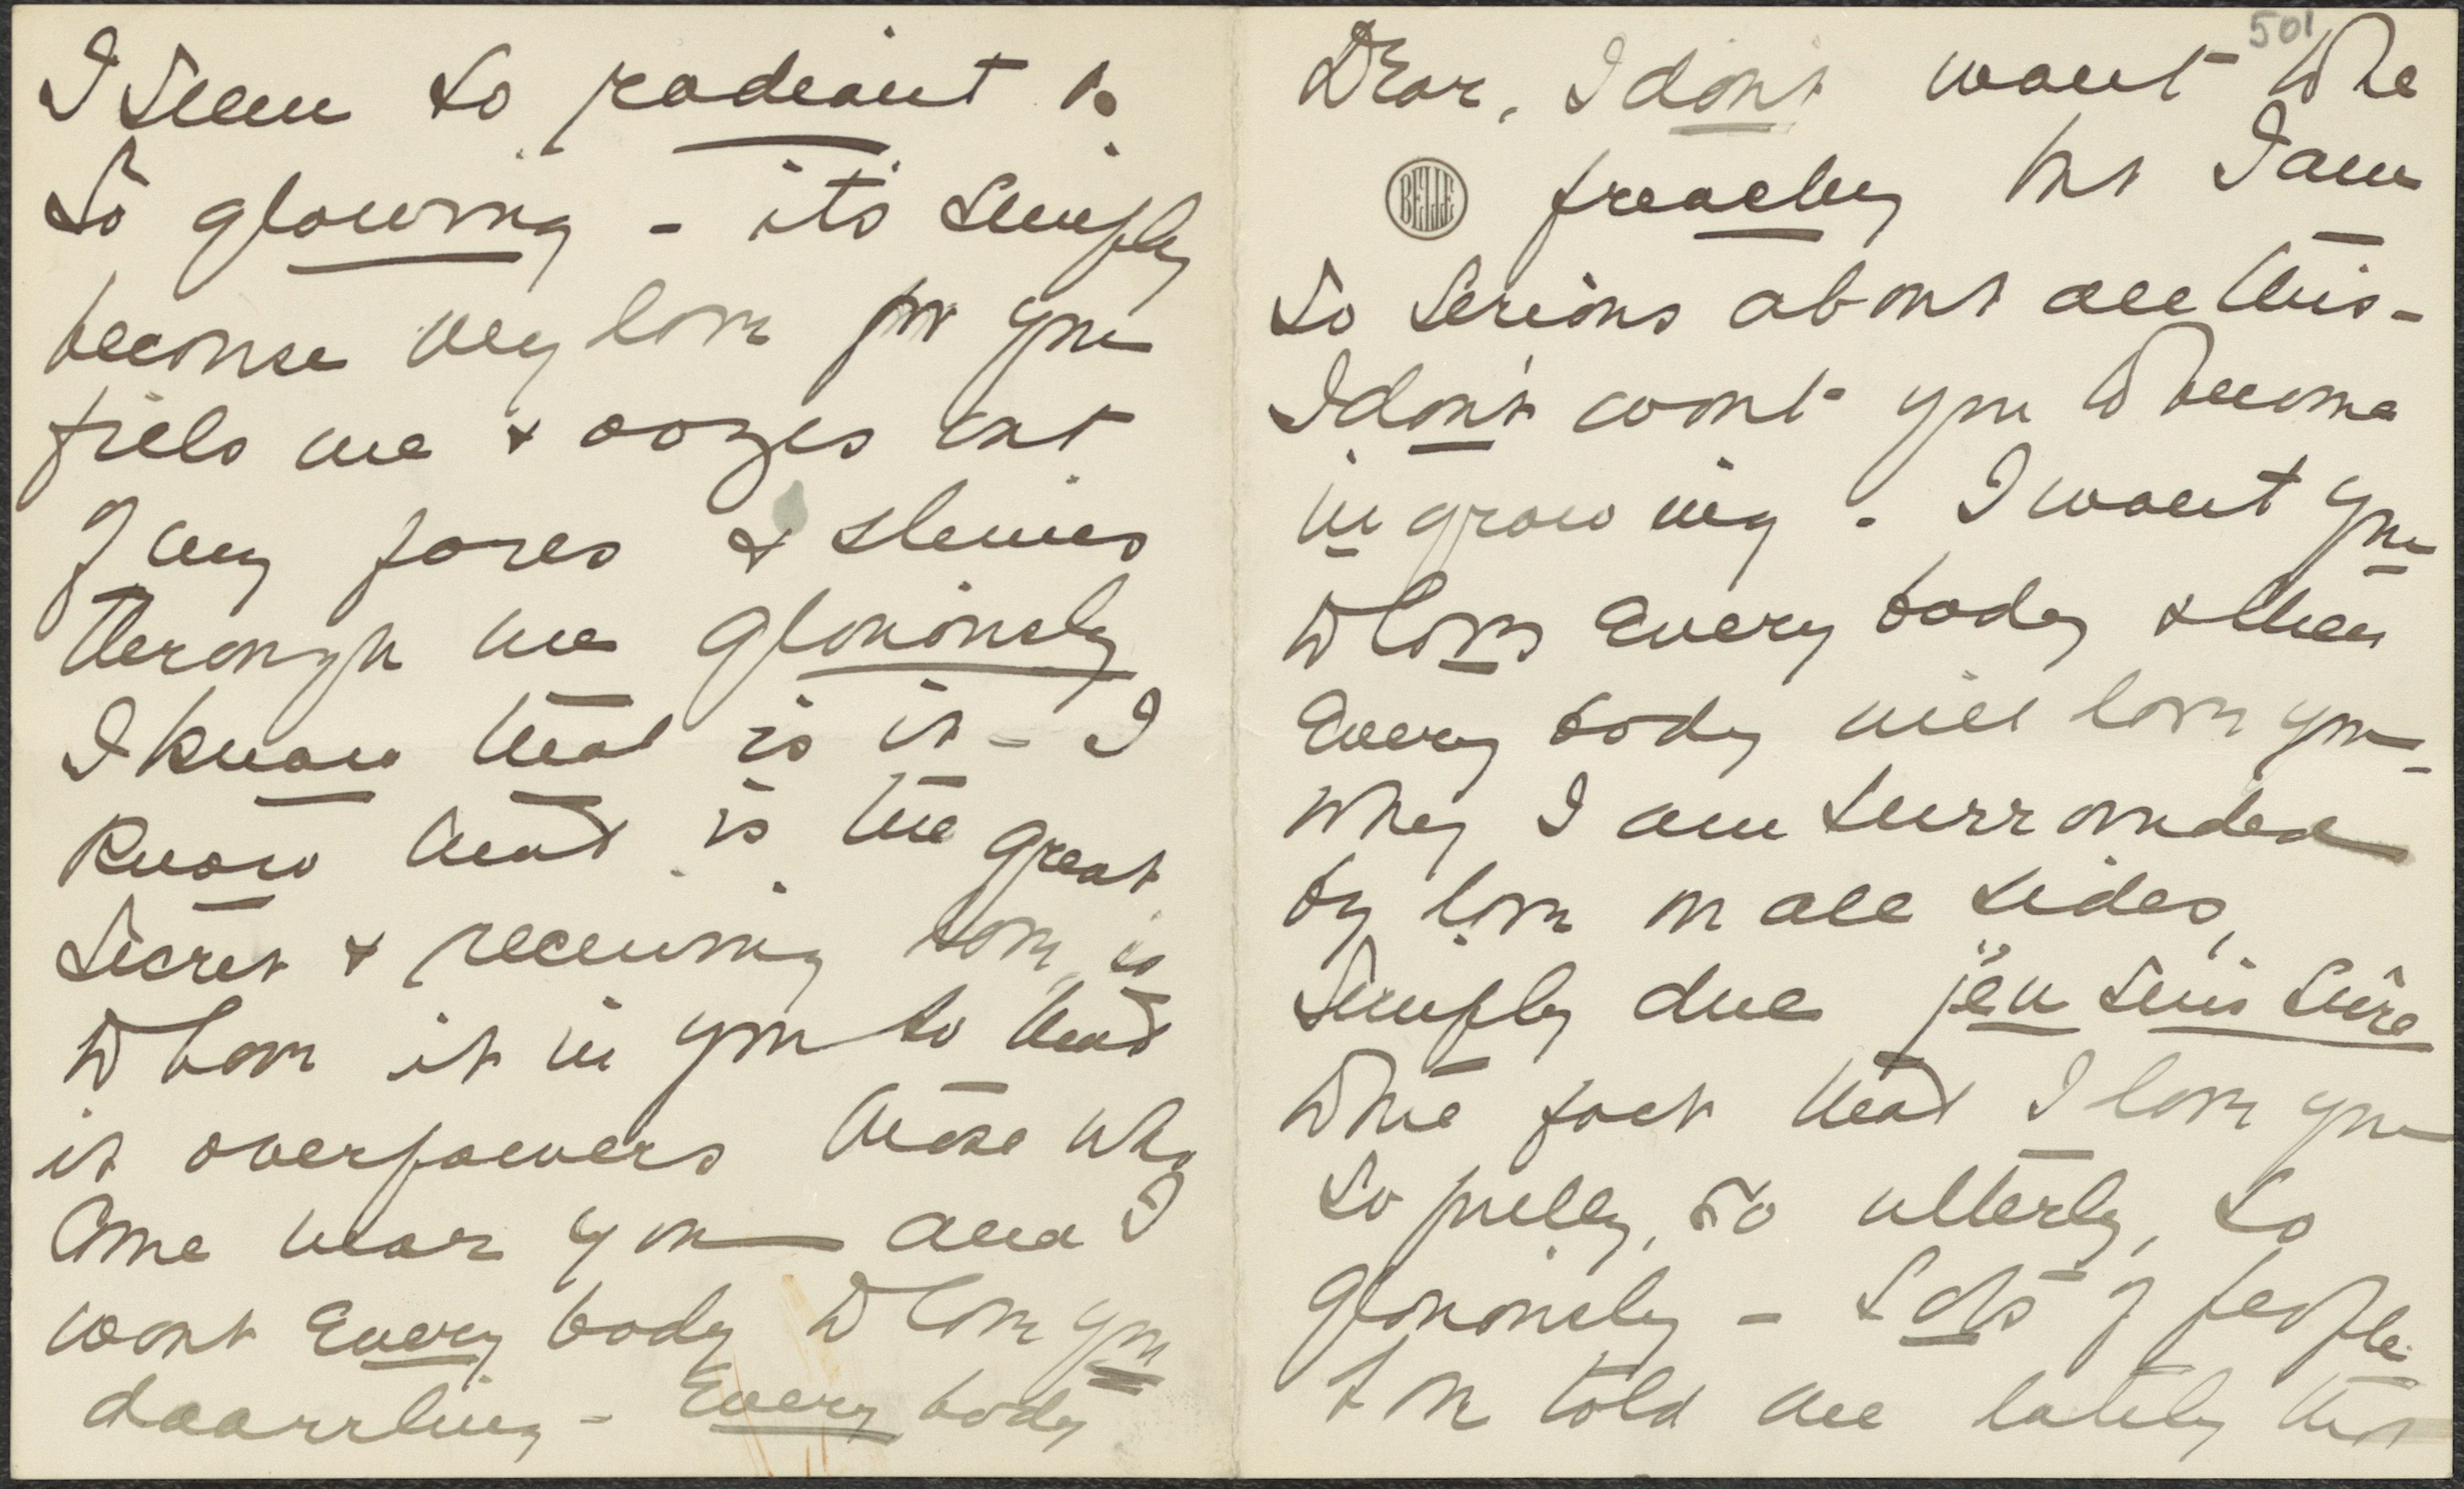Dear, I don’t want to be preachy but I am so serious about all this – I don’t want you to become ingrowing – I want you to love every body & then every body will love you – Why I am surrounded by love on all sides, simply due j’en suis sûre to the fact that I love you so fully, so utterly, so gloriously – Lots of people have told me lately that
I seem so radiant & so glowing – it’s simply because my love for you fills me & oozes out of my pores & shines through me gloriously I know that is it – I know that is the great secret & receiving love is to have it in you so that it overpowers those who come near you and I want every body to love [double underlined: you] daarrling – every body